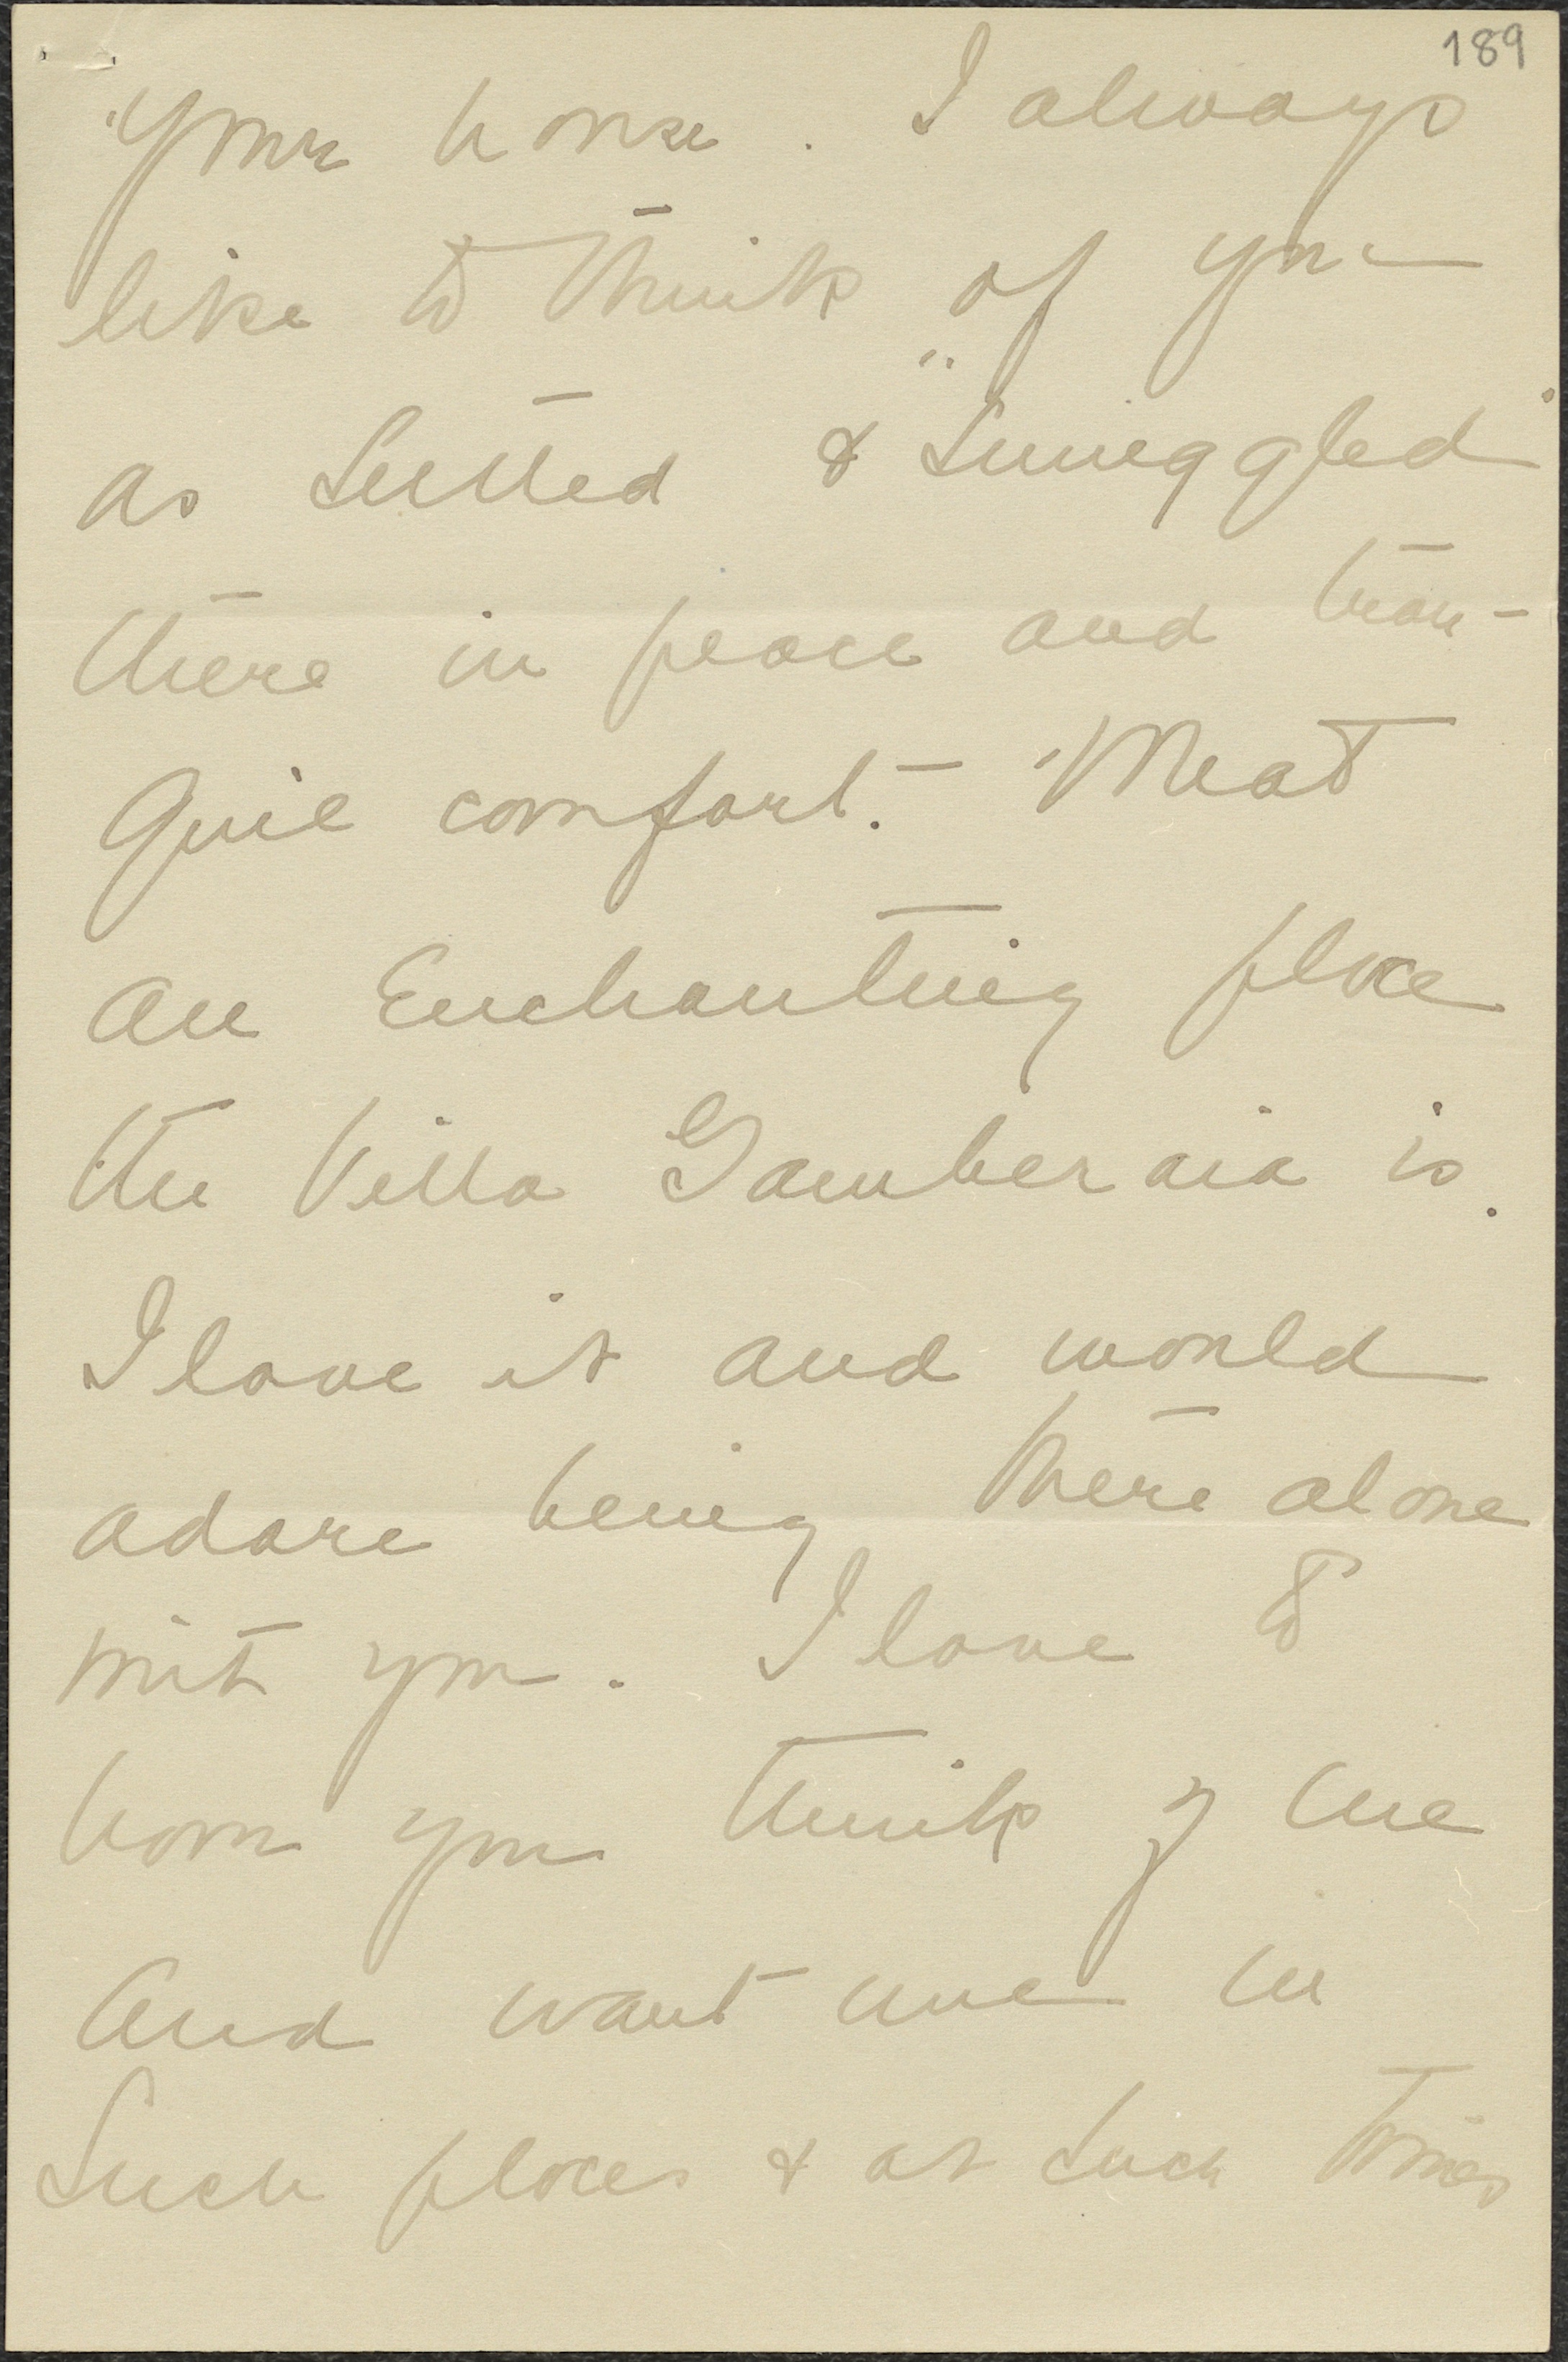your house. I always like to think of you as settled & “snuggled” there in peace and tranquil comfort. What an enchanting place the Villa Gamberaia is. I love it and would adore being there alone with you. I love to have you think of me and want me in such places & at such times